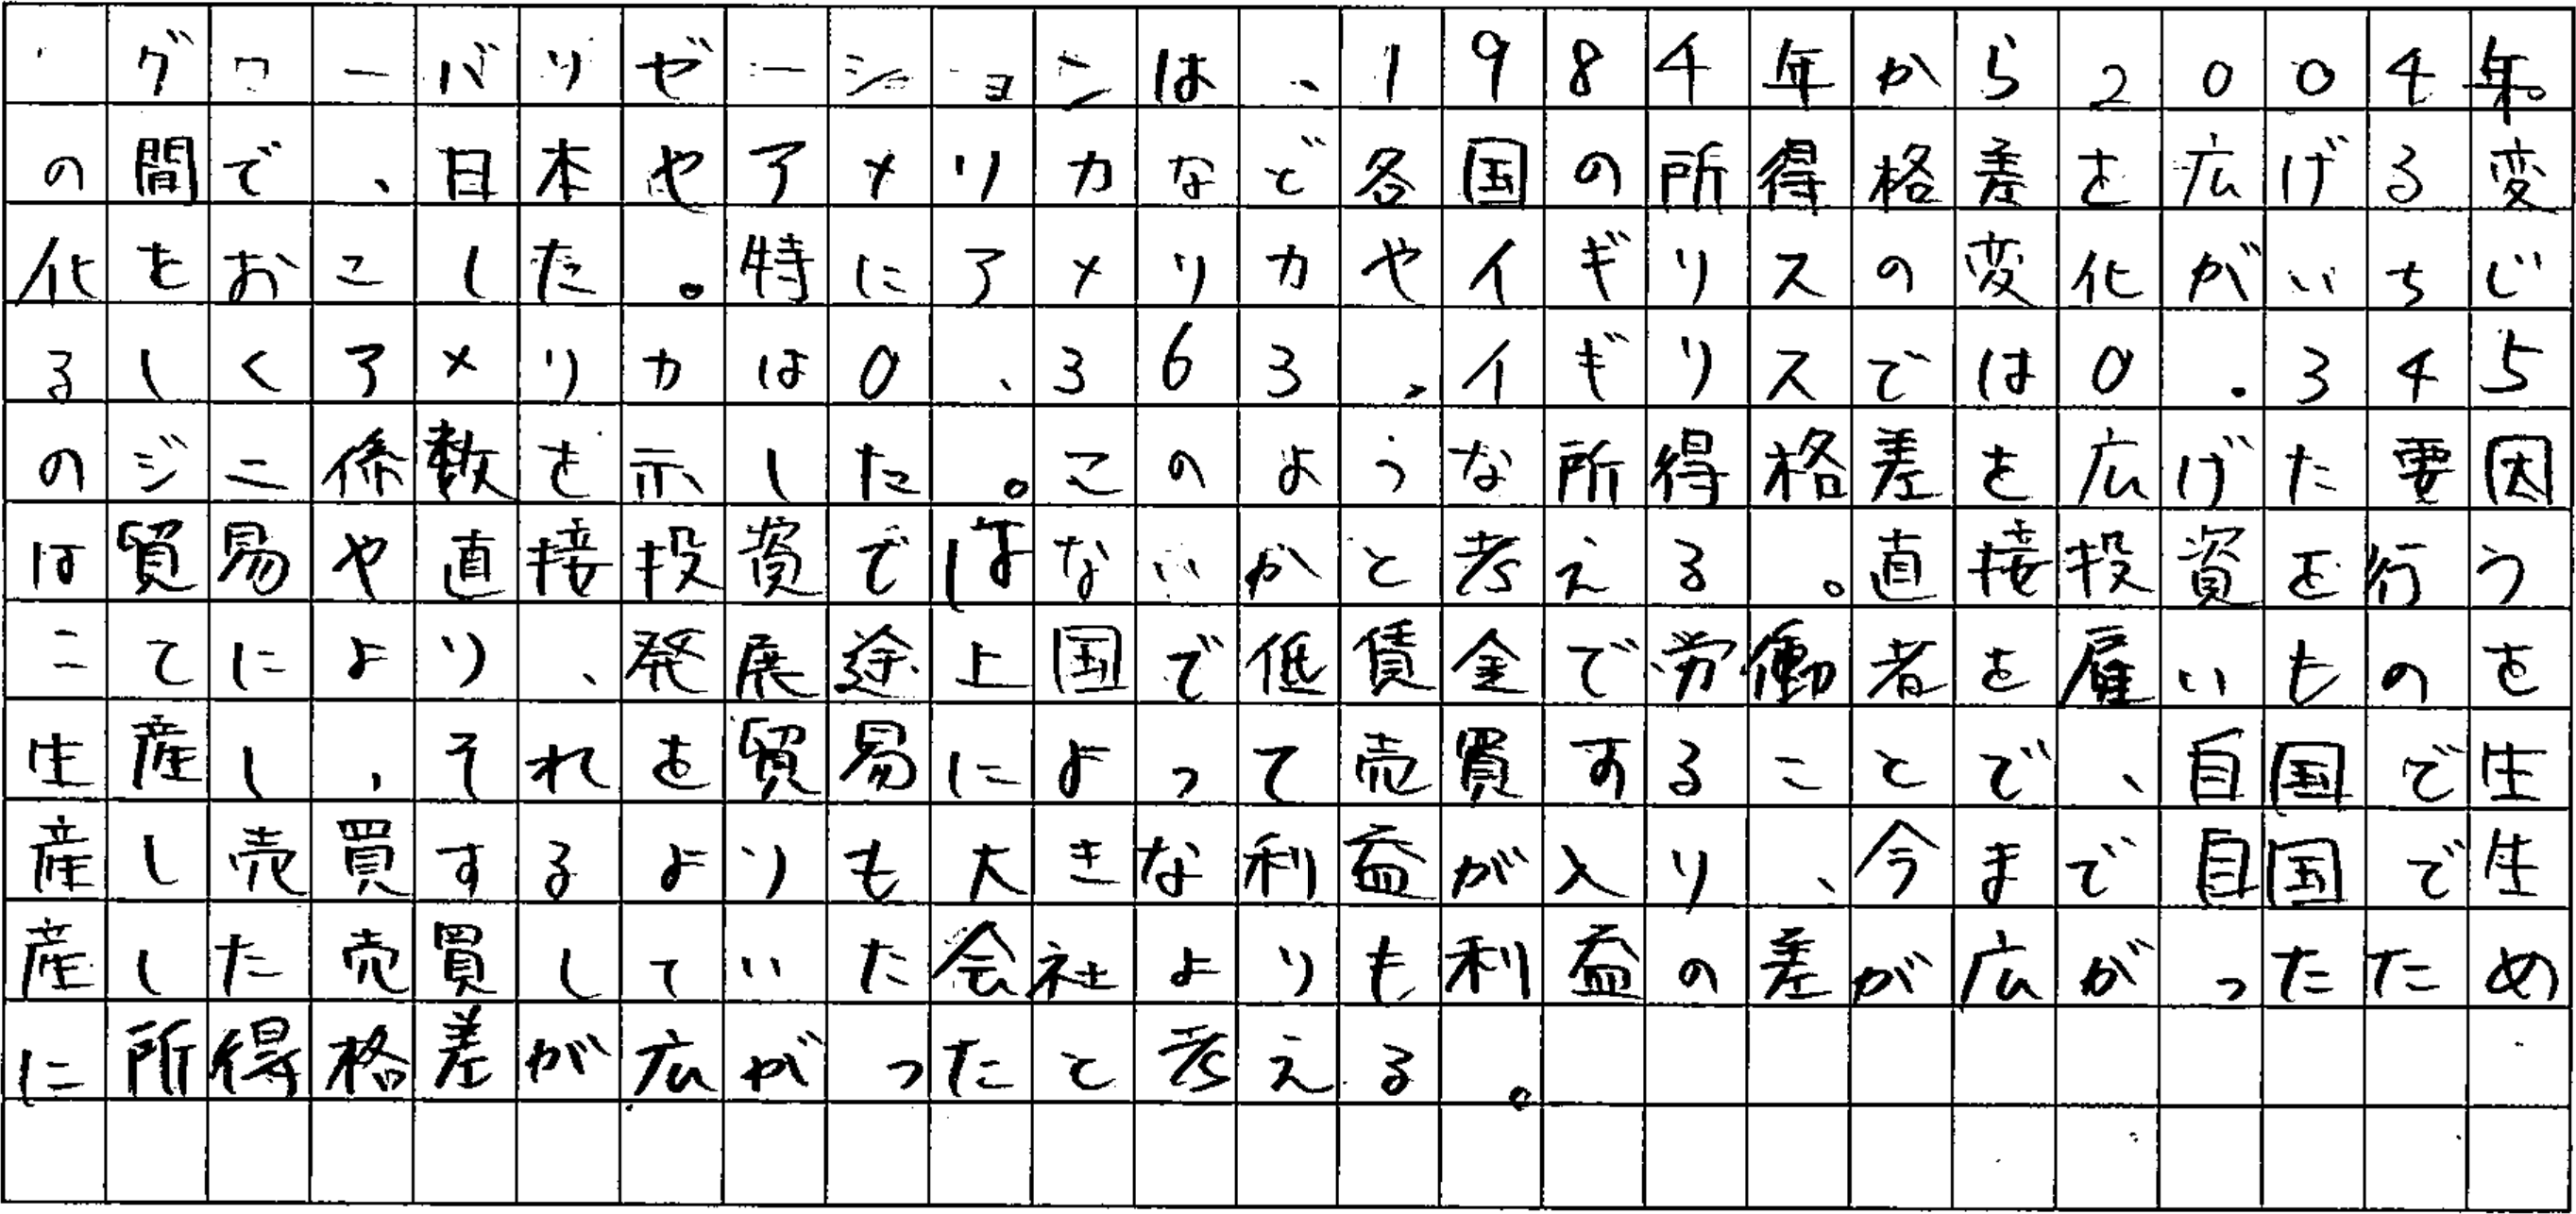　グローバリゼーションは、１９８４年から２００４年の間で、日本やアメリカなど各国の所得格差を広げる変化をおこした。特にアメリカやイギリスの変化がいちじるしくアメリカは０．３６３、イギリスでは０．３４５のジニ係数を示した。このような所得格差を広げた要因は貿易や直接投資ではないかと考える。直接投資を行うことにより、発展途上国で低賃金で労働者を雇いものを生産し、それを貿易によって売買することで、自国で生産し売買するよりも大きな利益が入り、今まで自国で生産した売買していた会社よりも利益の差が広がったために所得格差が広がったと考える。
